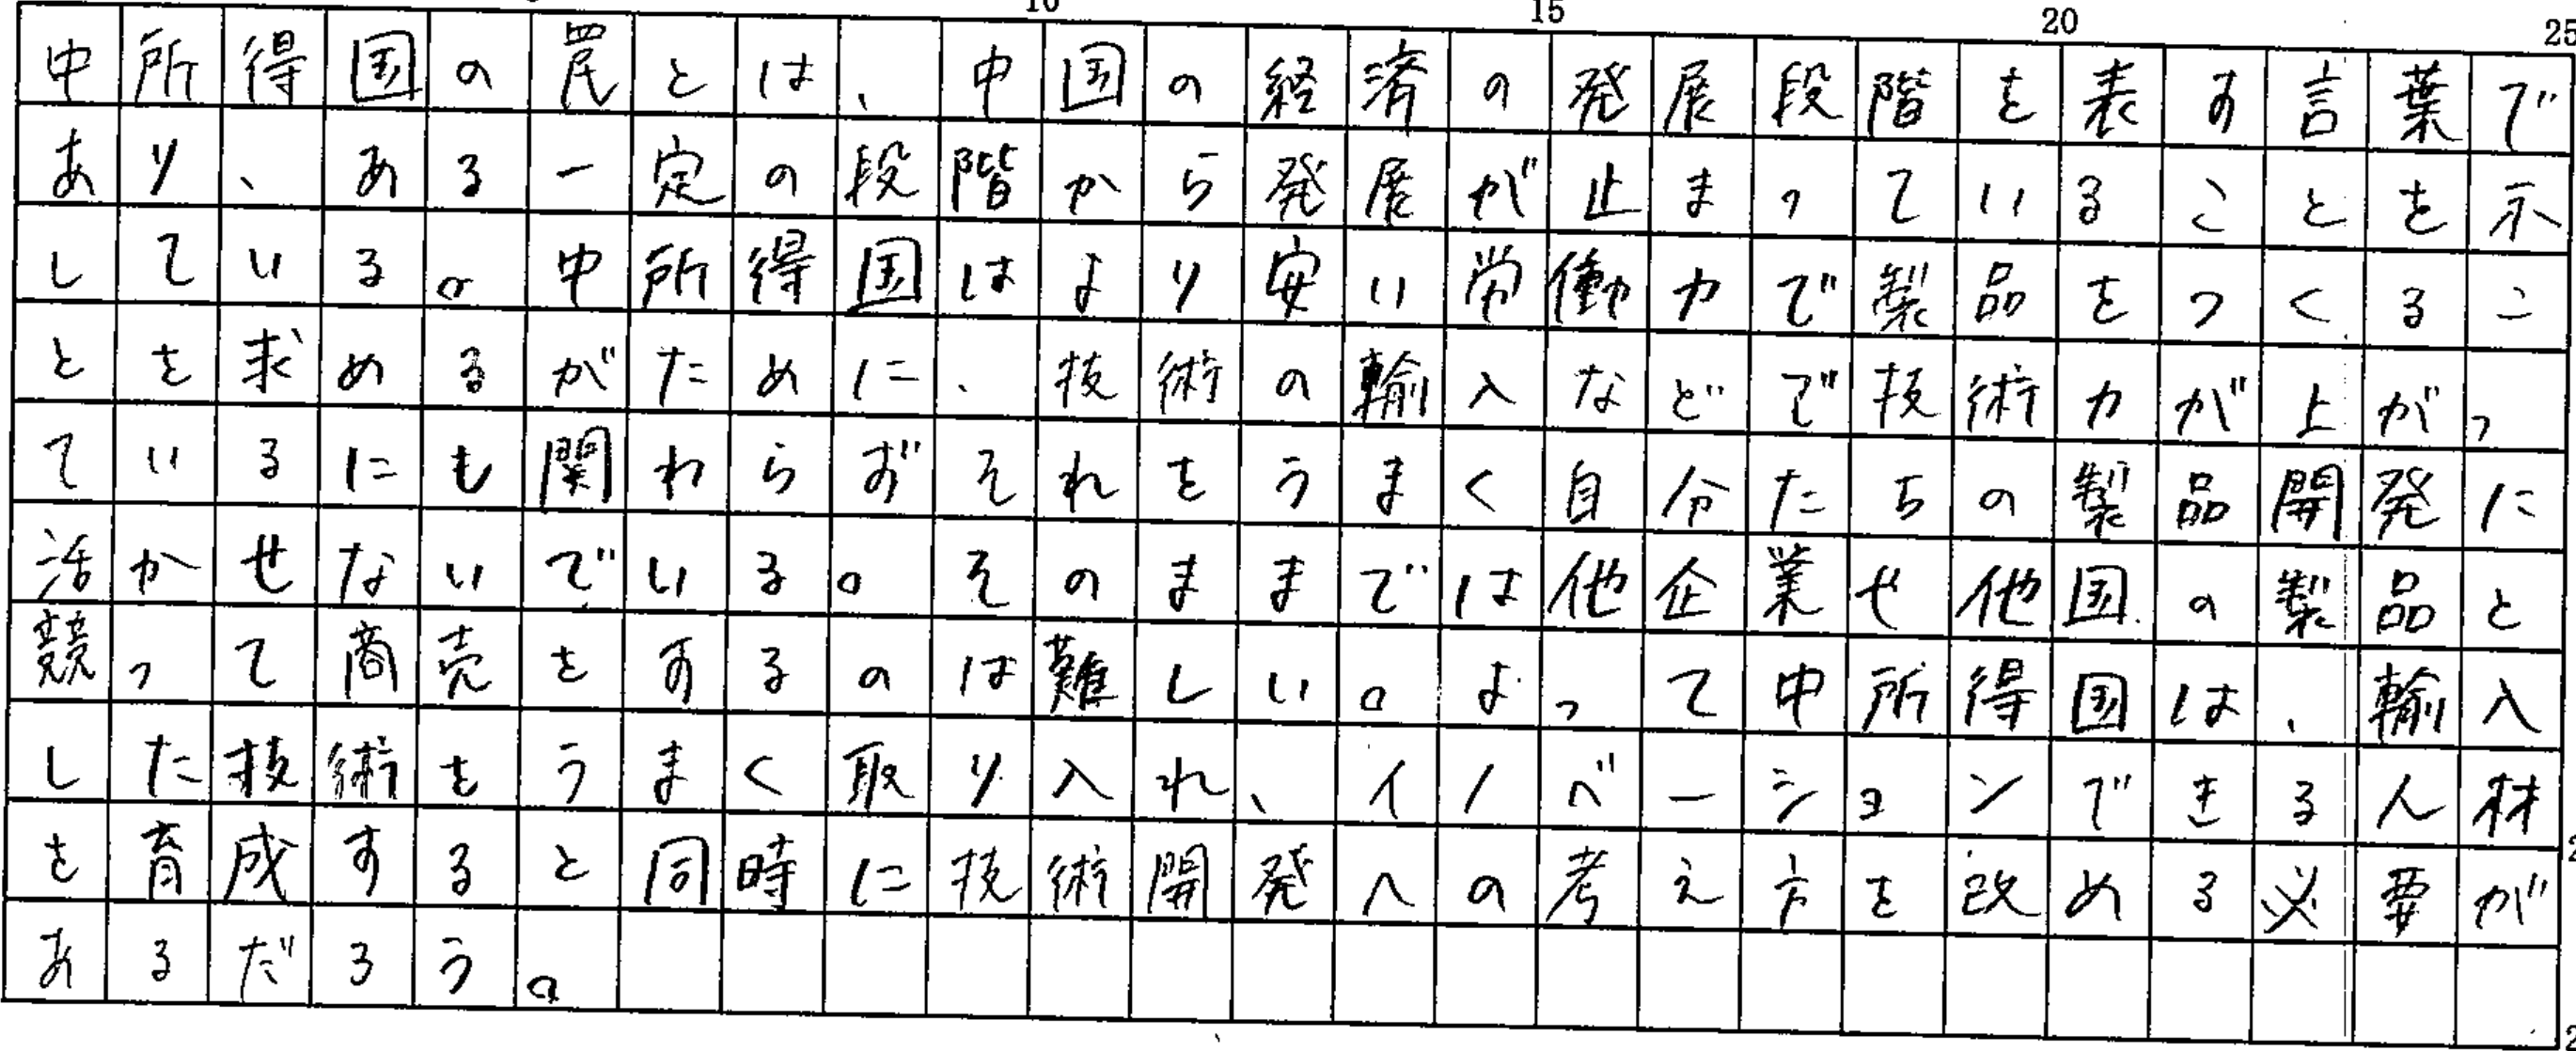中所得国の罠とは、中国の経済の発展段階を表す言葉であり、ある一定の段階から発展が止まっていることを示している。中所得国はより安い労働力で製品をつくることを求めるがために、技術の輸入などで技術力が上がっているにも関わらずそれをうまく自分たちの製品開発に活かせないでいる。そのままでは他企業や他国の製品と競って商売をするのは難しい。よって中所得国は、輸入した技術をうまく取り入れ、イノベーションできる人材を育成すると同時に技術開発への考え方を改める必要があるだろう。
